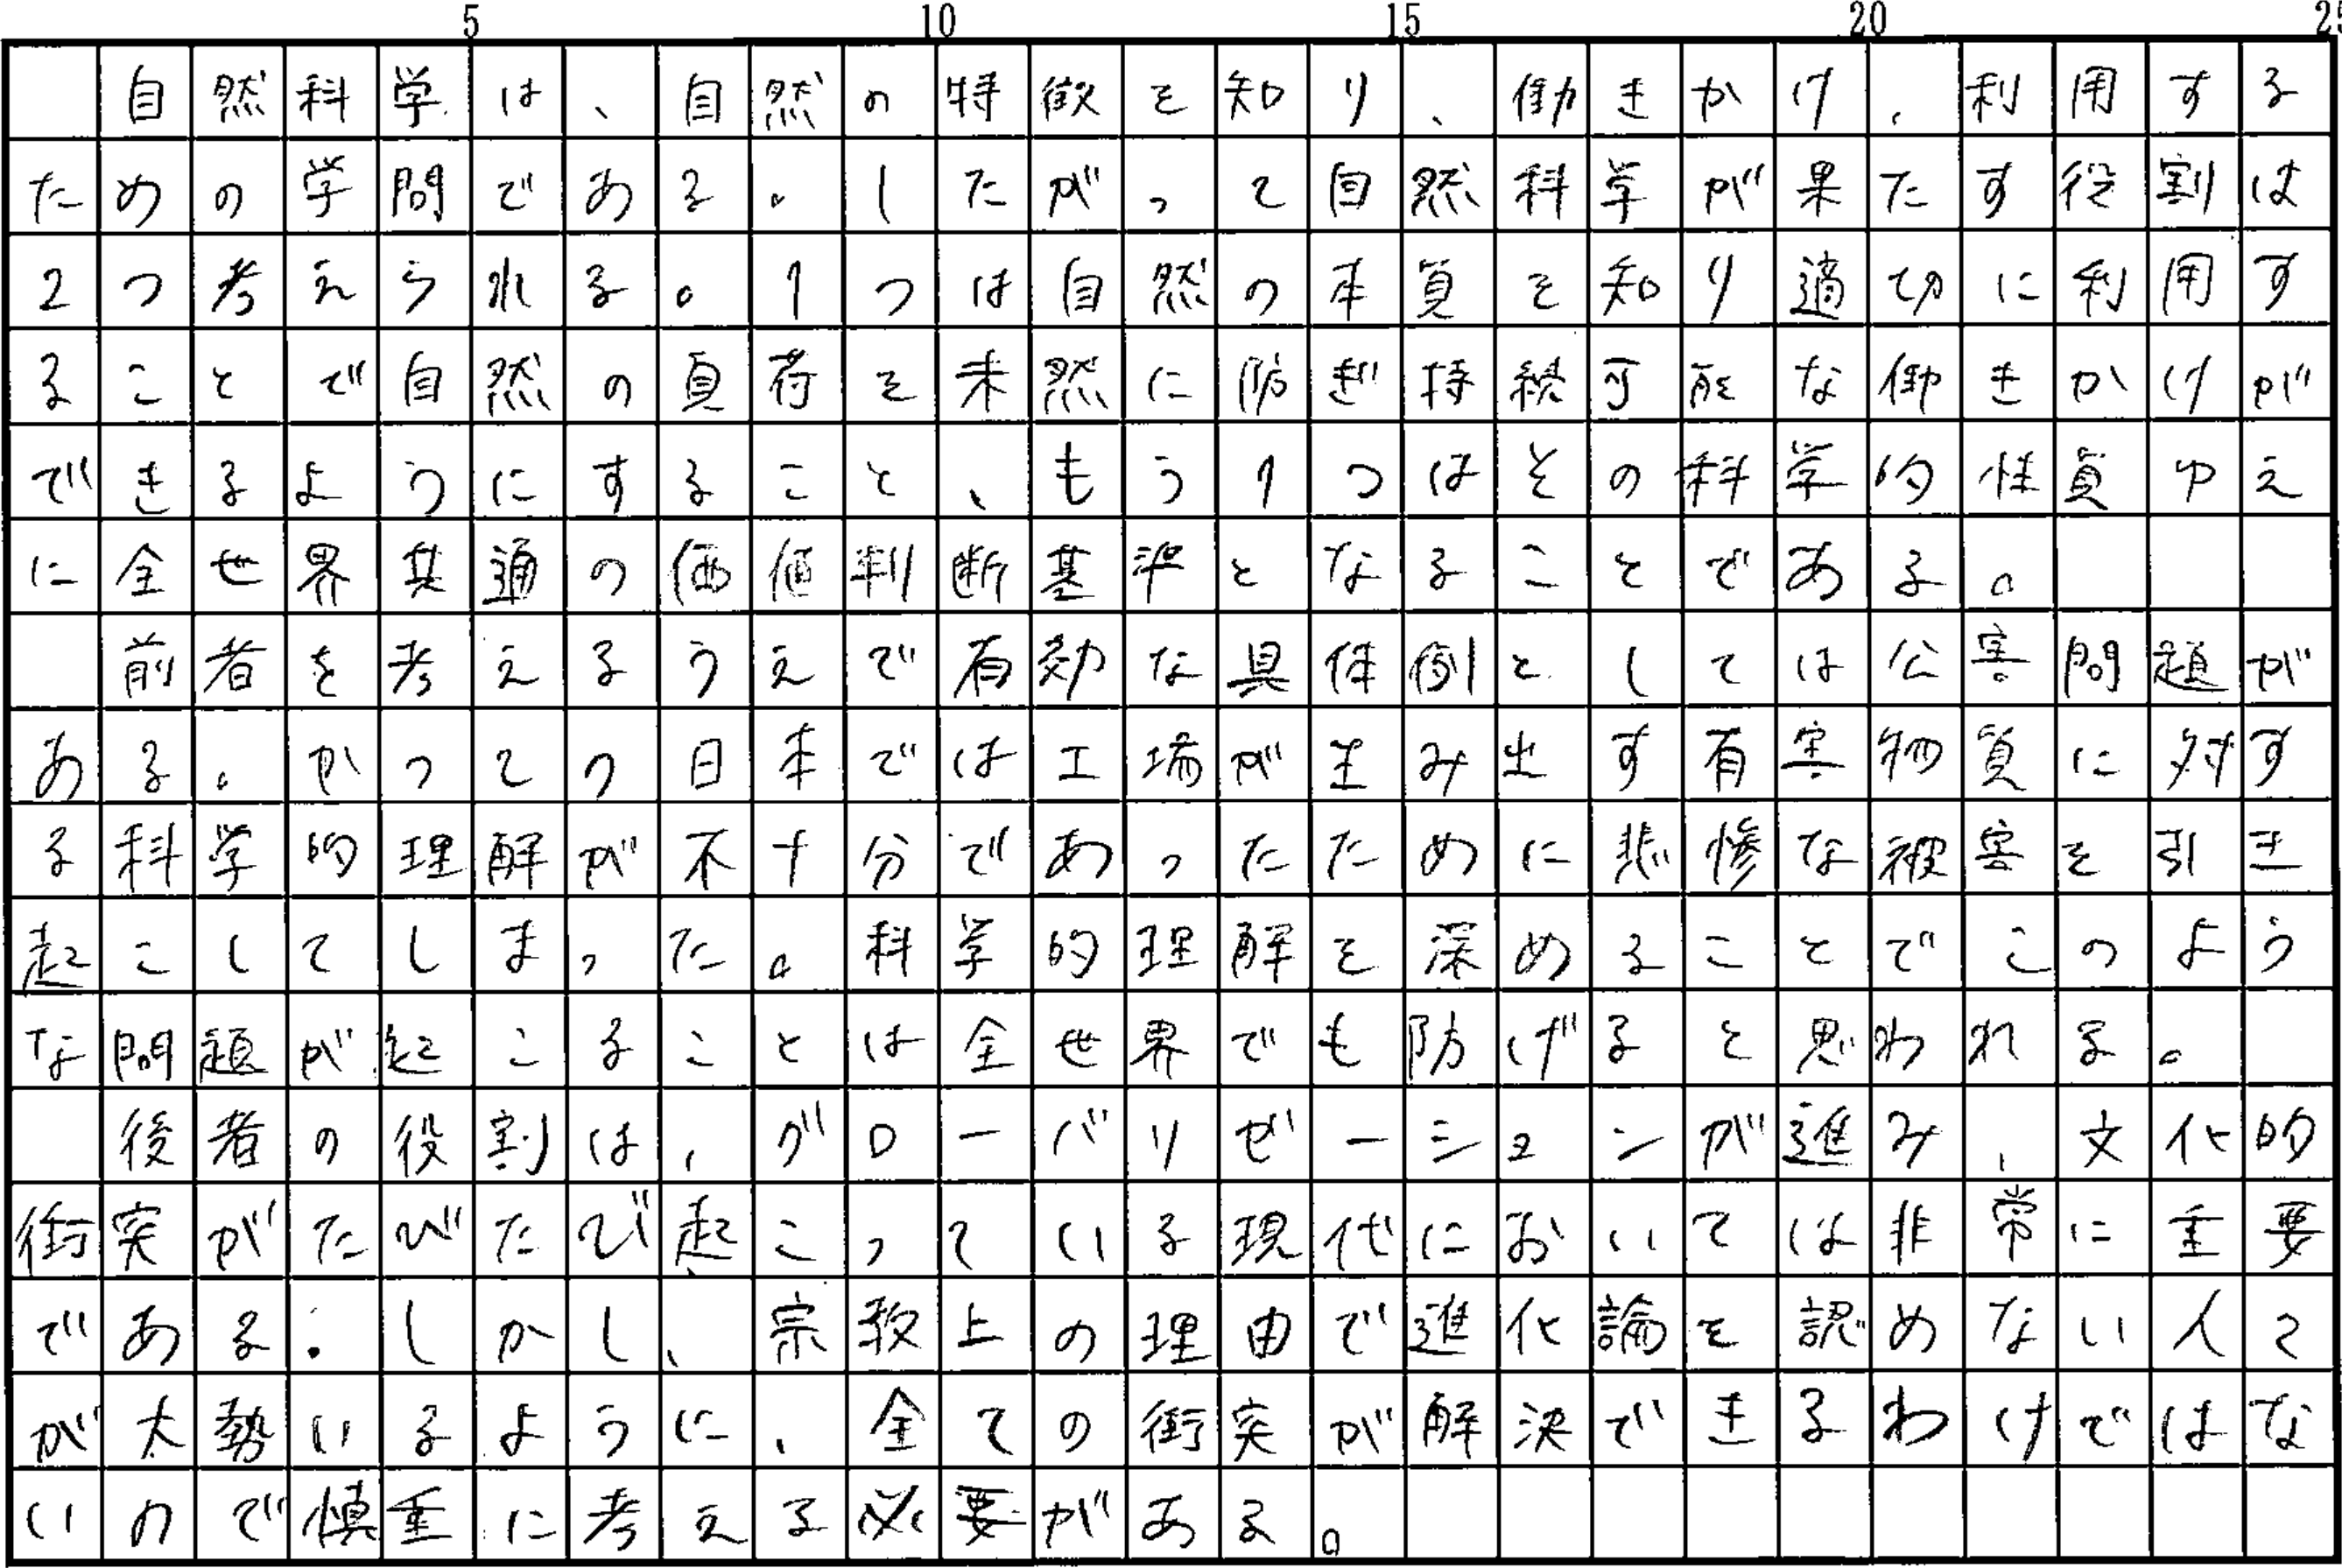　自然科学は、自然の特徴を知り、働きかけ、利用するための学問である。したがって自然科学が果たす役割は２つ考えられる。１つは自然の本質を知り適切に利用することで自然の負荷を未然に防ぎ持続可能な働きかけができるようにすること、もう１つはその科学的性質ゆえに全世界共通の価値判断基準となることである。
　前者を考えるうえで有効な具体例としては公害問題がある。かつての日本では工場が生み出す有害物質に対する科学的理解が不十分であったために悲惨な被害を引き起こしてしまった。科学的理解を深めることでこのような問題が起こることは全世界でも防げると思われる。
　後者の役割は、グローバリゼーションが進み、文化的衝突がたびたび起こっている現代においては非常に重要である。しかし、宗教上の理由で進化論を認めない人々が大勢いるように、全ての衝突が解決できるわけではないので慎重に考える必要がある。
